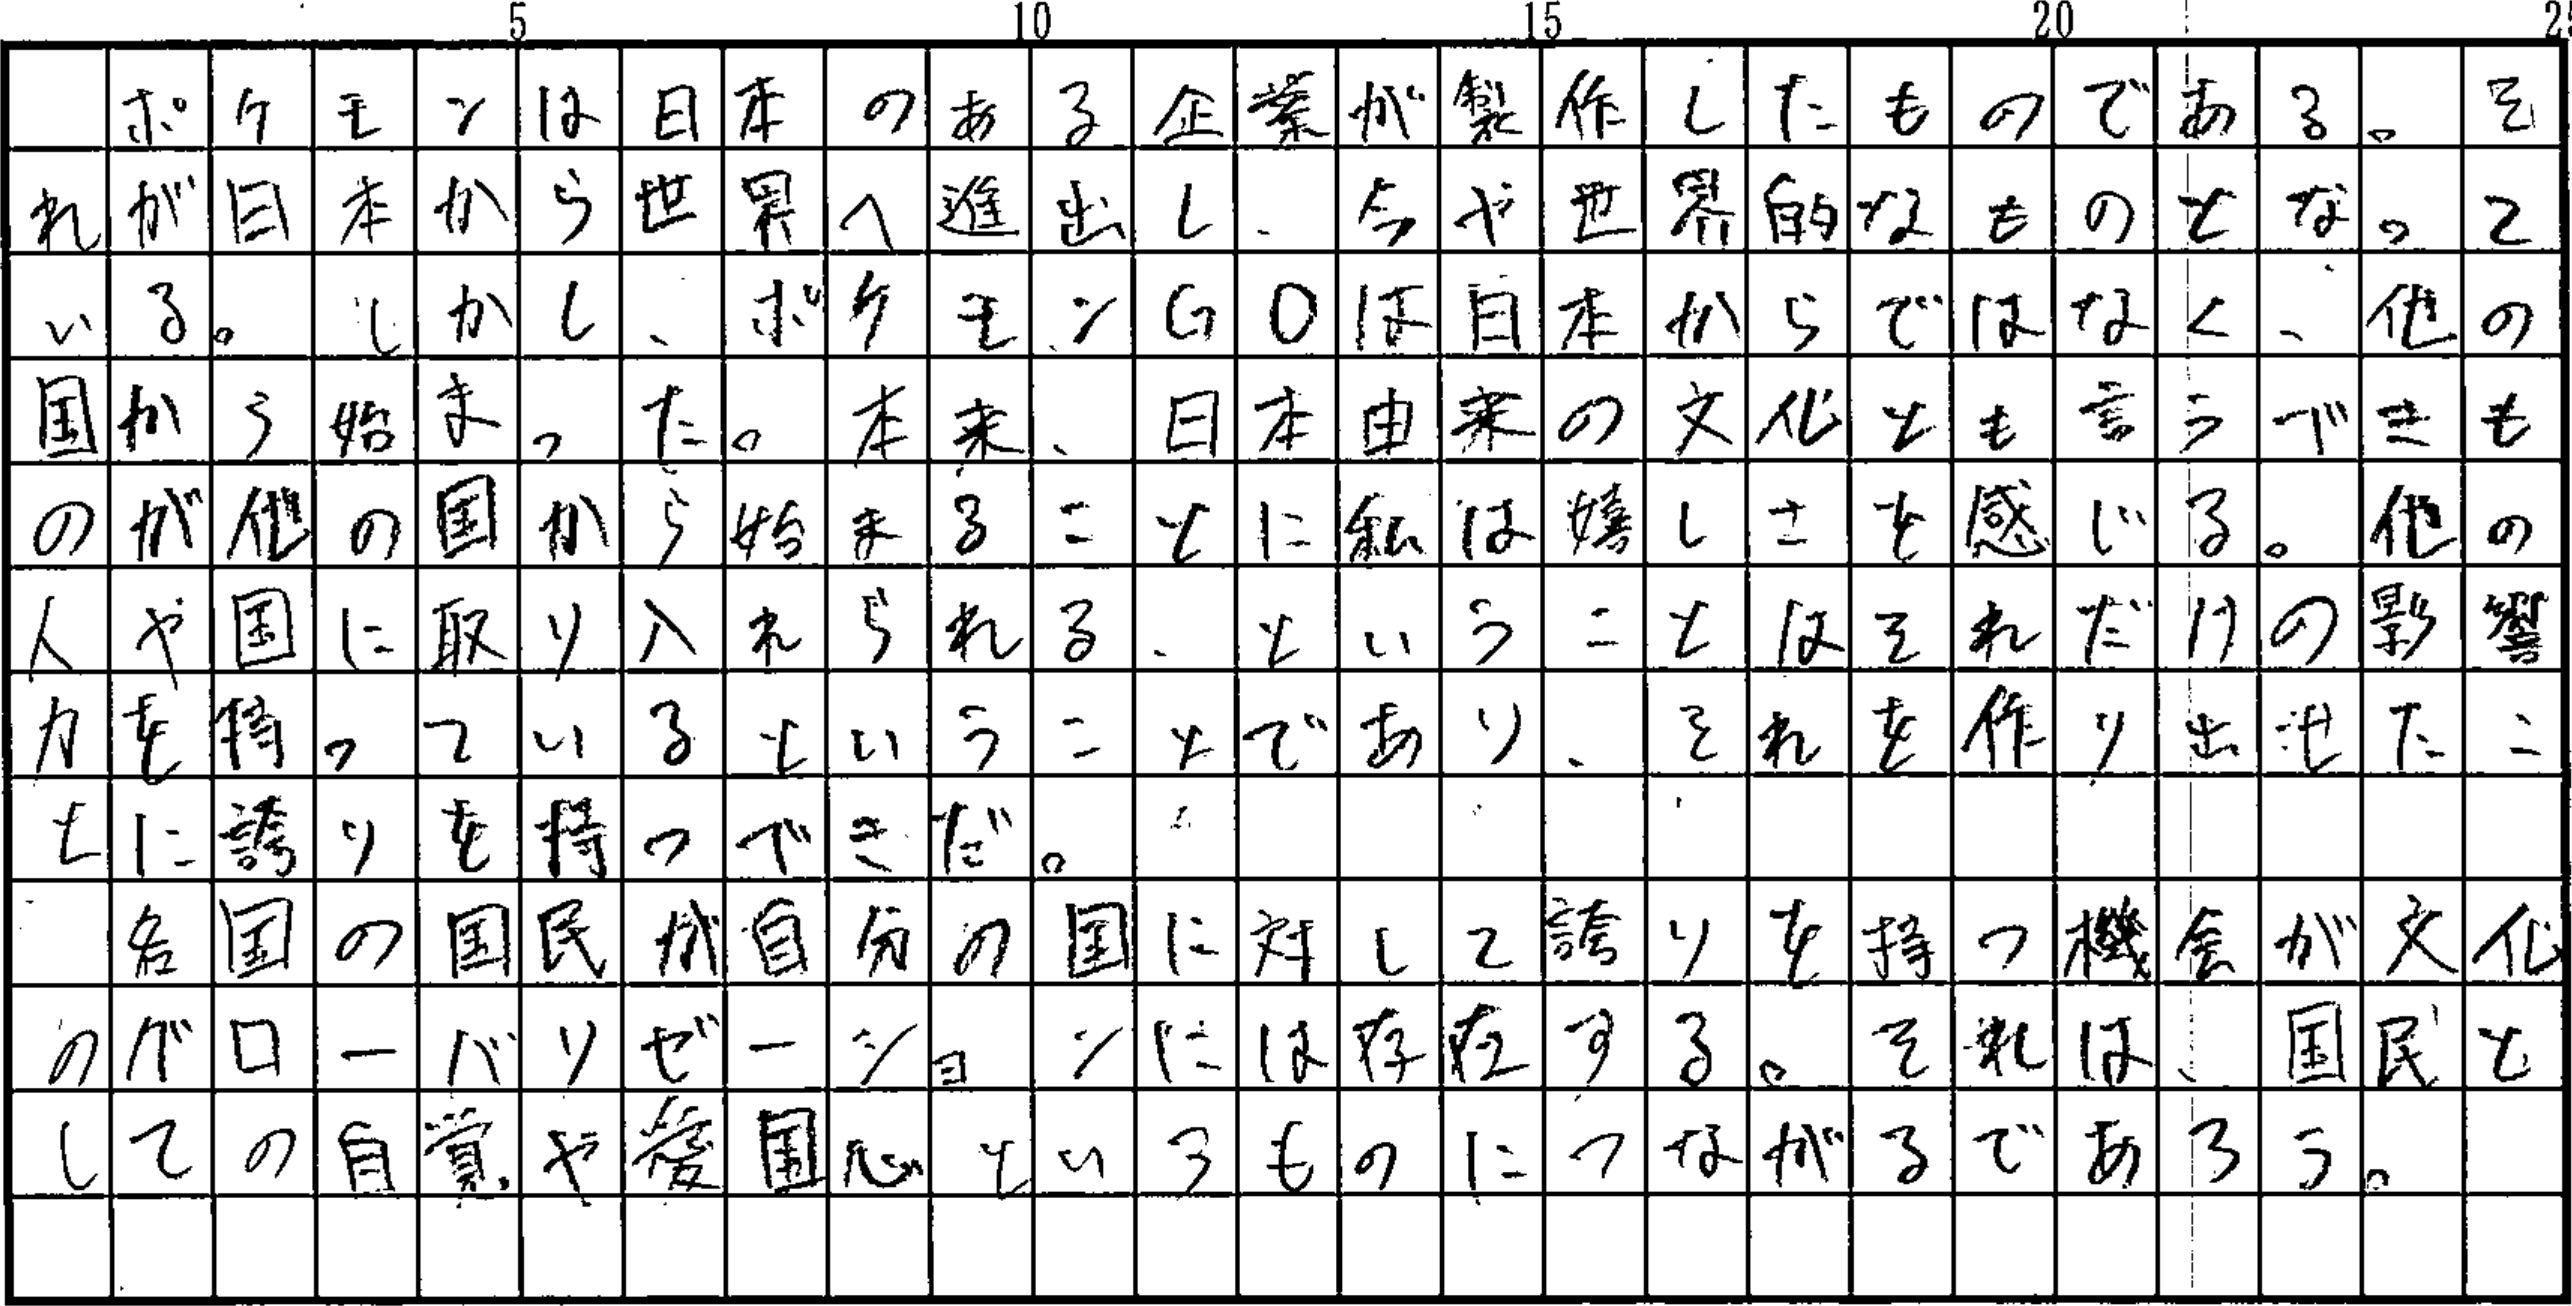　ポケモンは日本のある企業が製作したものである。それが日本から世界へ進出し、今や世界的なものとなっている。しかし、ポケモンＧＯは日本からではなく、他の国から始まった。本来、日本由来の文化とも言うべきものが他の国から始まることに私は嬉しさを感じる。他の人や国に取り入れられる、ということはそれだけの影響力を持っているということであり、それを作り出せたことに誇りを持つべきだ。
　各国の国民が自分の国に対して誇りを持つ機会が文化のグローバリゼーションには存在する。それは、国民としての自覚や愛国心というものにつながるであろう。
